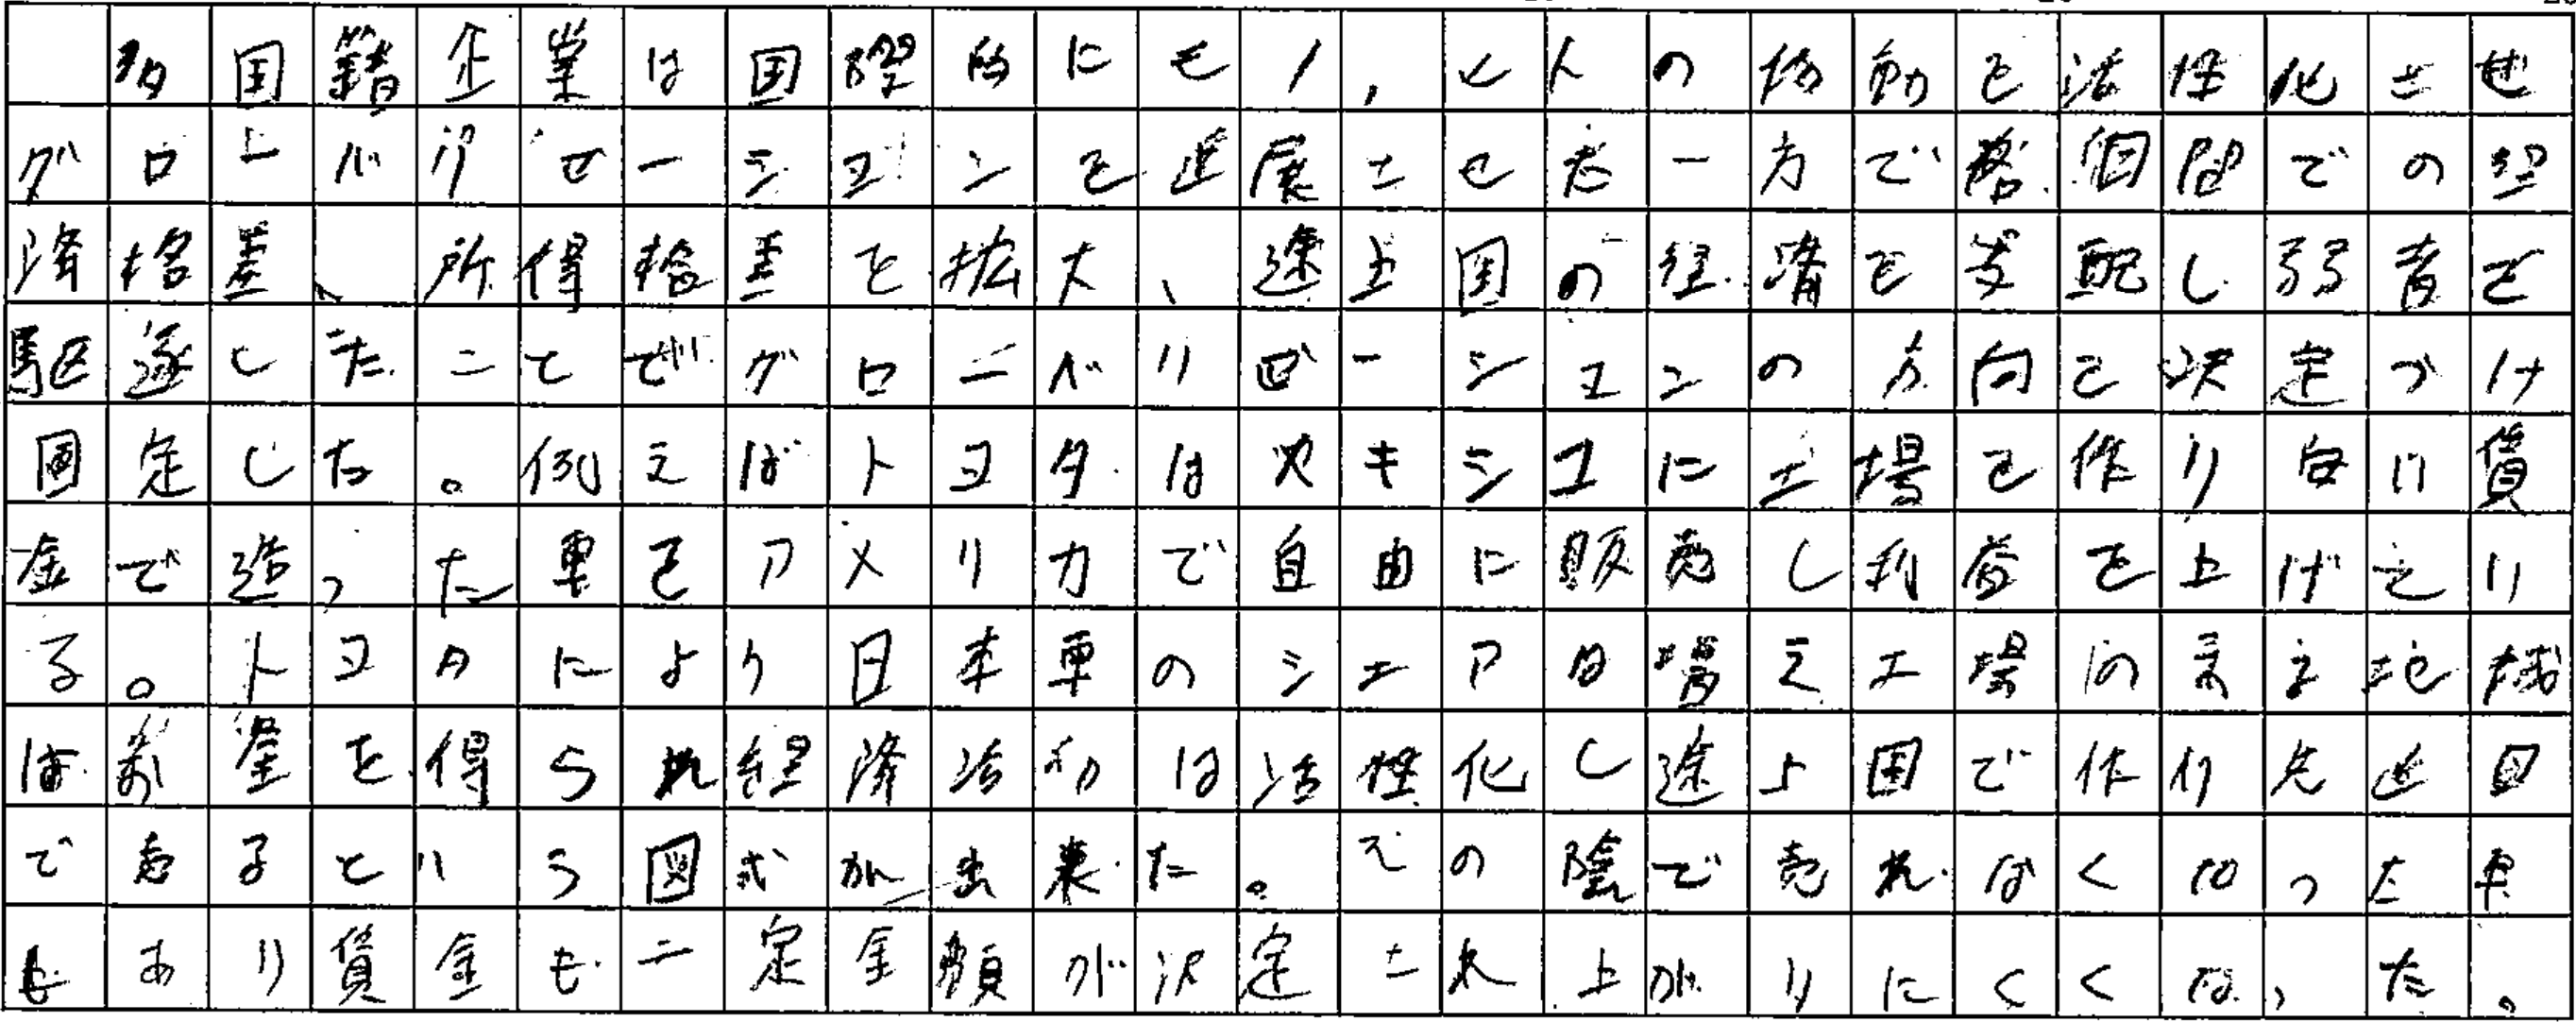　多国籍企業は国際的にモノ、ヒトの移動を活性化させグローバリゼーションを進展させた一方で各▁間での▁済格差、所得格▁を拡大、途上国の経済を支配し弱者を駆逐したことでグローバリゼーションの方向を決定づけ▁定した。例えばトヨタはメキシコに工場を作り安い賃金で造った車をアメリカで自由に販売し利益を上げている。トヨタにより日本車のシェアは増え工場のある地域はお金を得られ経済活動は活性化し途上国で作り先進国で売るという図式が出来た。その陰で売れなくなった車もあり賃金も一定金額が決定され上がりにくくなった。
